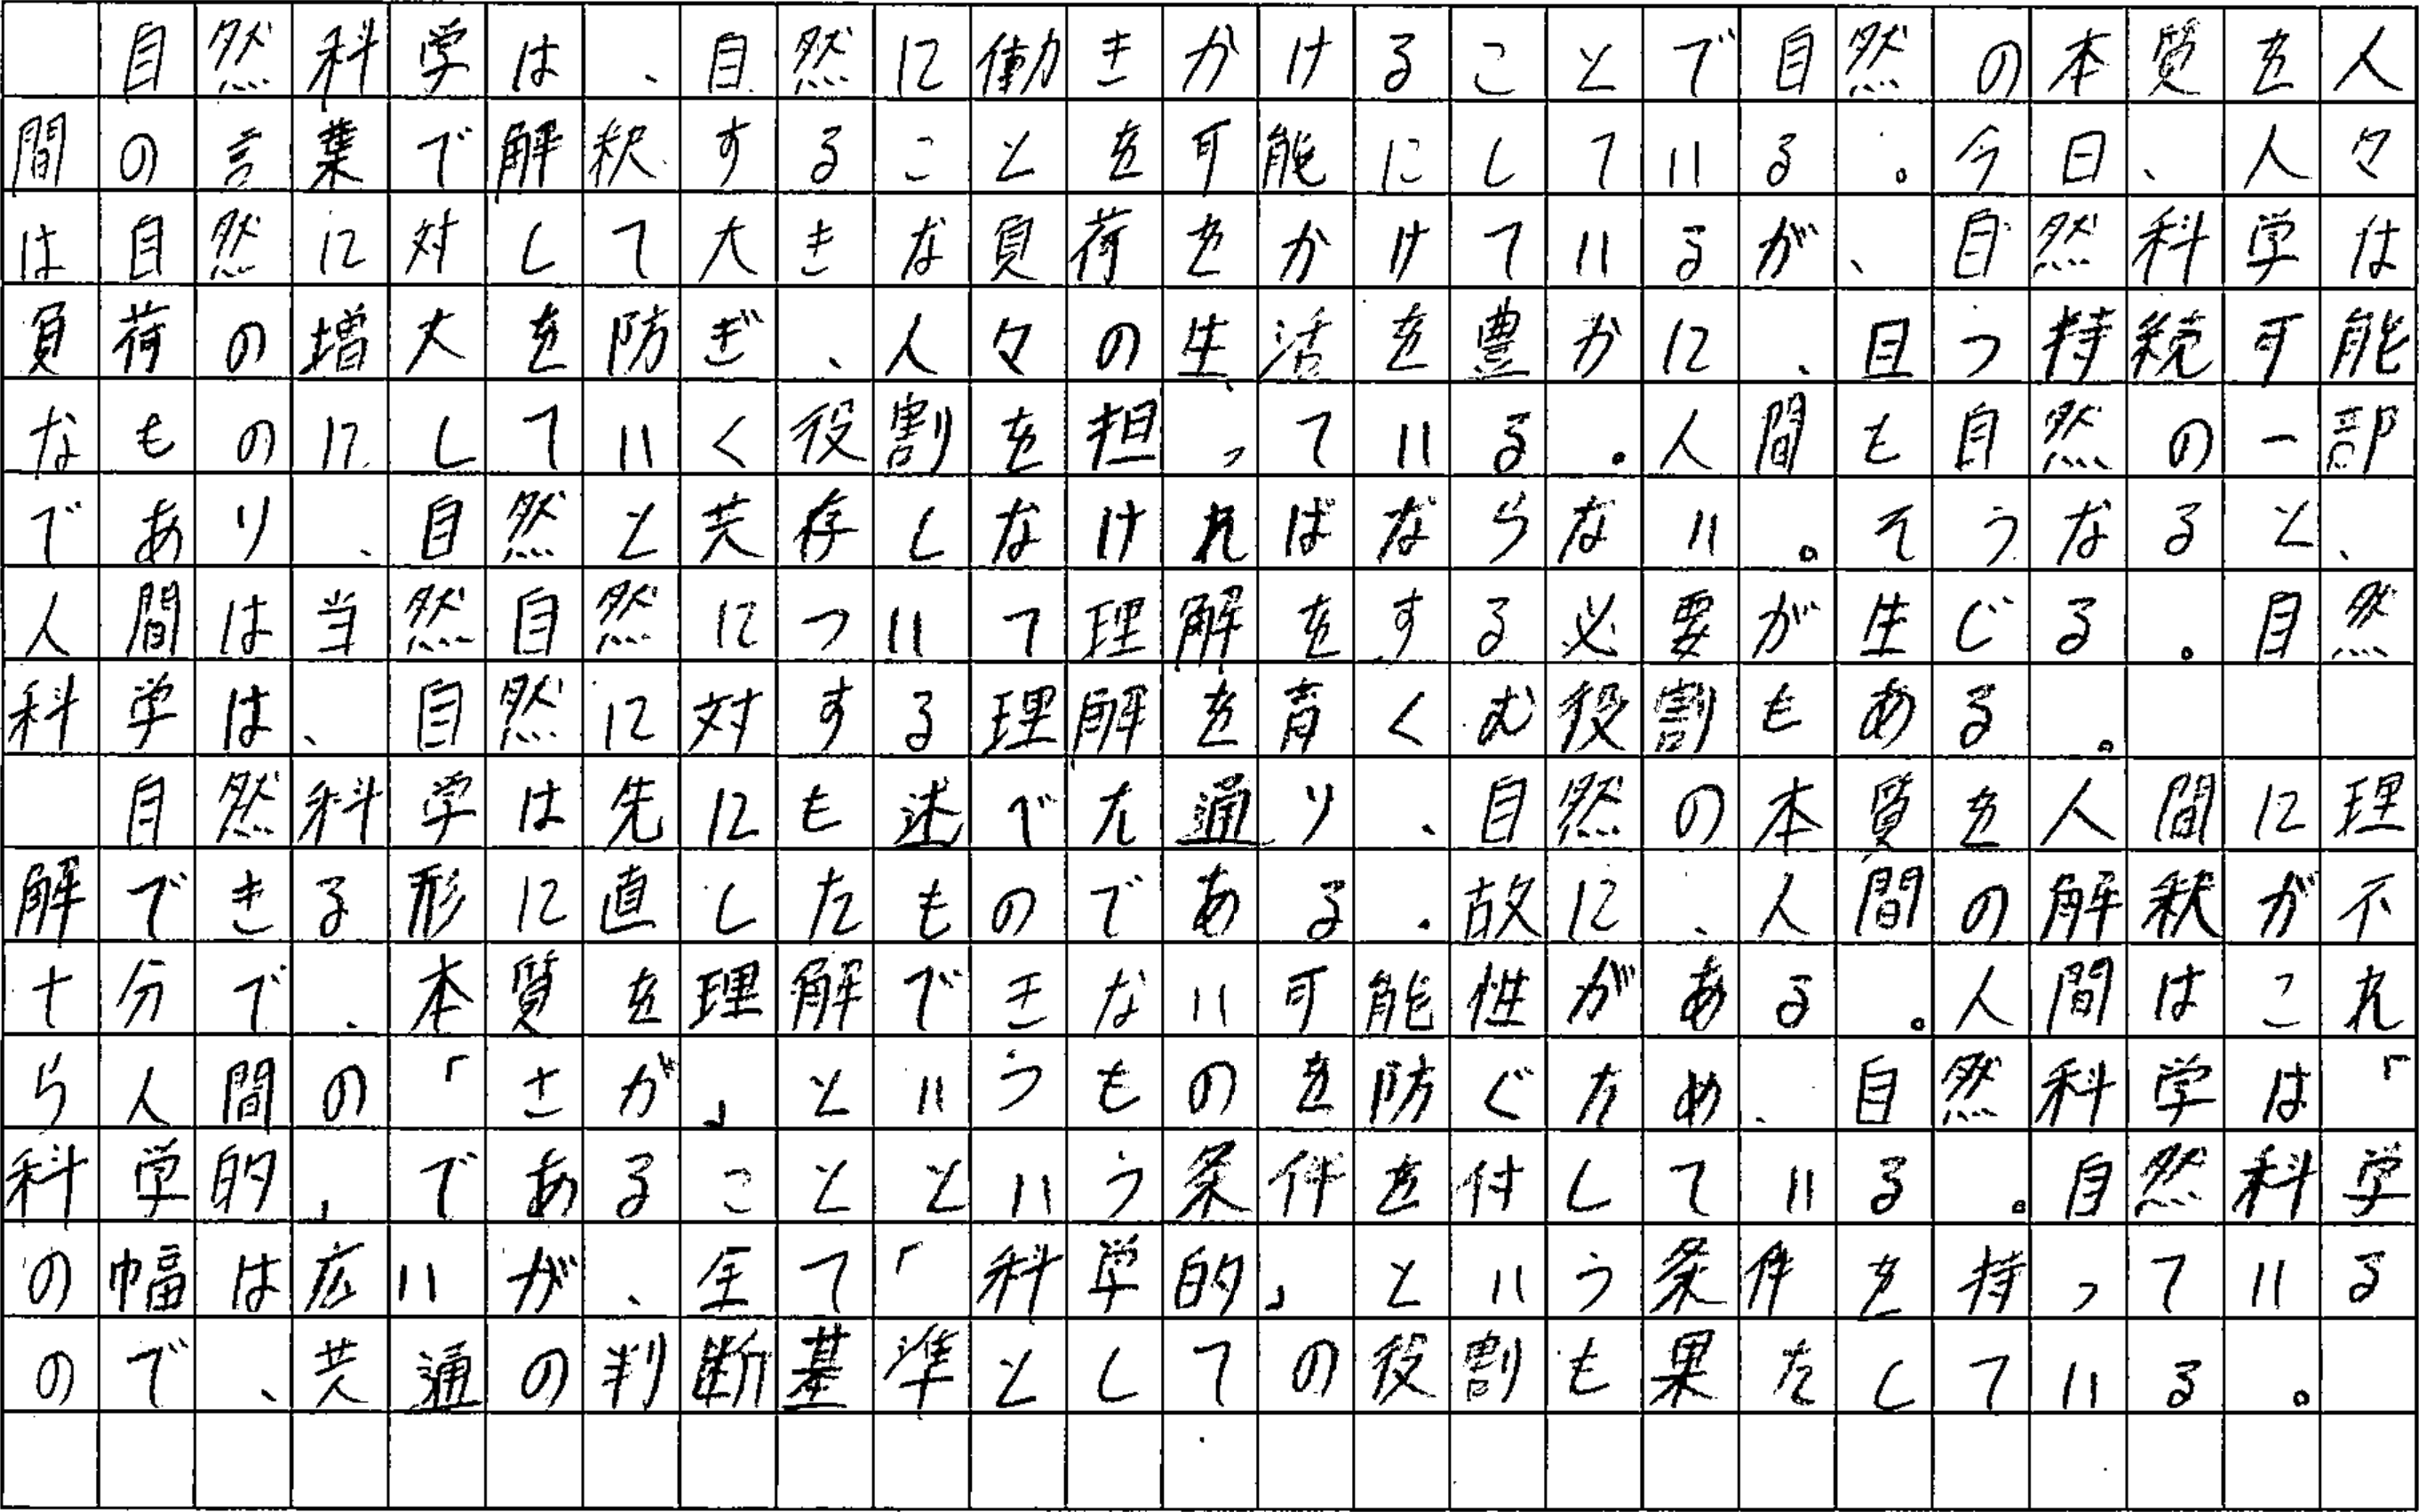　自然科学は、自然に働きかけることで自然の本質を人間の言葉で解釈することを可能にしている。今日、人々は自然に対して大きな負荷をかけているが、自然科学は負荷の増大を防ぎ、人々の生活を豊かに、且つ持続可能なものにしていく役割を担っている。人間も自然の一部であり、自然と共存しなければならない。そうなると、人間は当然自然について理解をする必要が生じる。自然科学は、自然に対する理解を育くむ役割もある。
　自然科学は先にも述べた通り、自然の本質を人間に理解できる形に直したものである。故に、人間の解釈が不十分で、本質を理解できない可能性がある。人間はこれら人間の「さが」というものを防ぐため、自然科学は「科学的」であることという条件を付している。自然科学の幅は広いが、全て「科学的」という条件を持っているので、共通の判断基準としての役割も果たしている。
